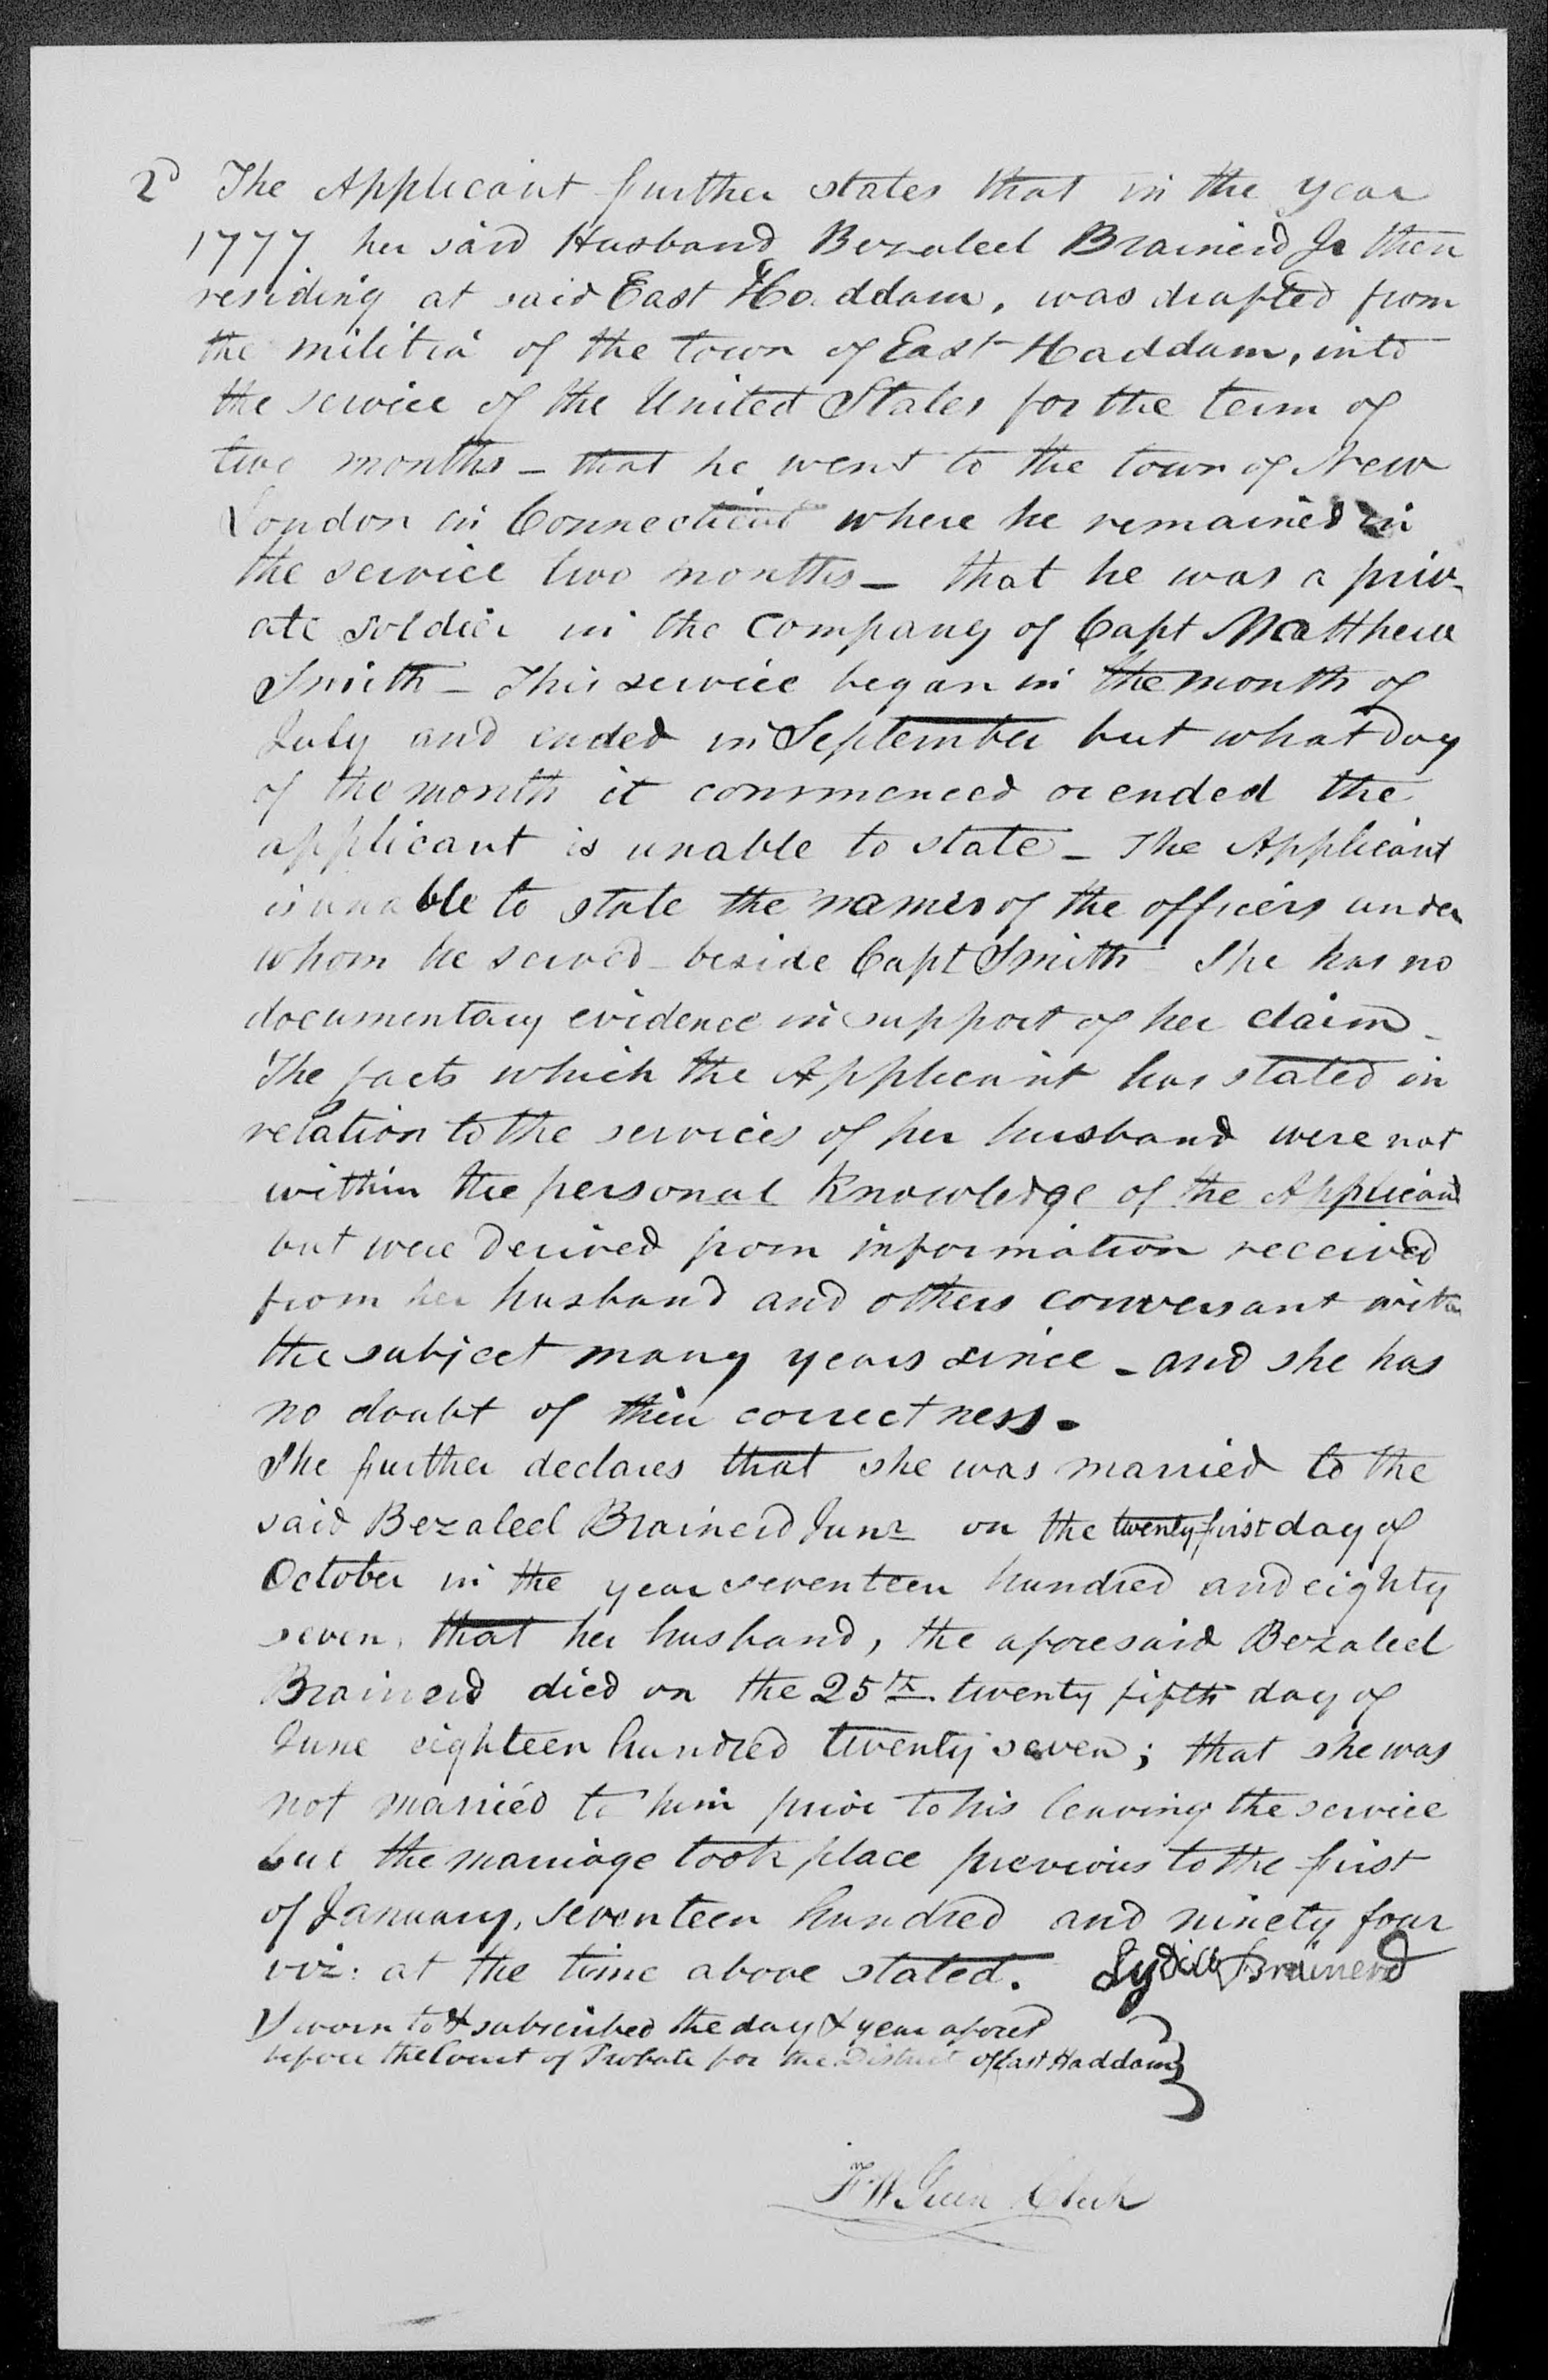2'd The Applicant further states that in the year 1777, her said Husband Bezaleel Brainerd Jr then residing at said East Haddam, was drafted from the militia of the town of East Haddam, into the service of the United States for the term of two months - that he went to the town of New London in Connecticut where he remained in the service two months- that he was a private soldier in the company of Capt Matthew Smith-- This service began in the month of July and ended in September but what day of the month it commenced or ended the applicant is unable to state. The Applicant is unable to state the names of the officers under whom he served beside Capt Smith. She has no documentary evidence in support of her claim the facts which the Applicant has stated in relation to the services of her husband were not within the personal knowledge of the Applicant but were derived from information received from her husband and others conversant with the subject many years since, and she has no doubt of their correctness-
She further declares that she was married to the said Bezaleel Brainerd Jun'r on the twenty first day of October in the year seventeen hundred and eighty seven, that her husband, the aforesaid Bezaleel Brainerd died on the 25th twenty fifth day of June eighteen hundred twenty seven; that she was not married to him prior to his leaving the service but the marriage took place previous to the first of January, Seventeen hundred and ninety four viz. at the time above stated.
[signature] Lydia Brainerd
Sworn to & subscribed the day & year aforesd before the Court of Probate for the District of East Haddam}
F W Green Clerk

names: F W Green, Lydia Brainerd, Bezaleel Brainerd, Bezaleel Brainerd, Smith, Matthew Smith, Bezaleel Brainerd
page: 5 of 25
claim: widow's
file: W. 23,671, Bezaleel Brainard, Conn.